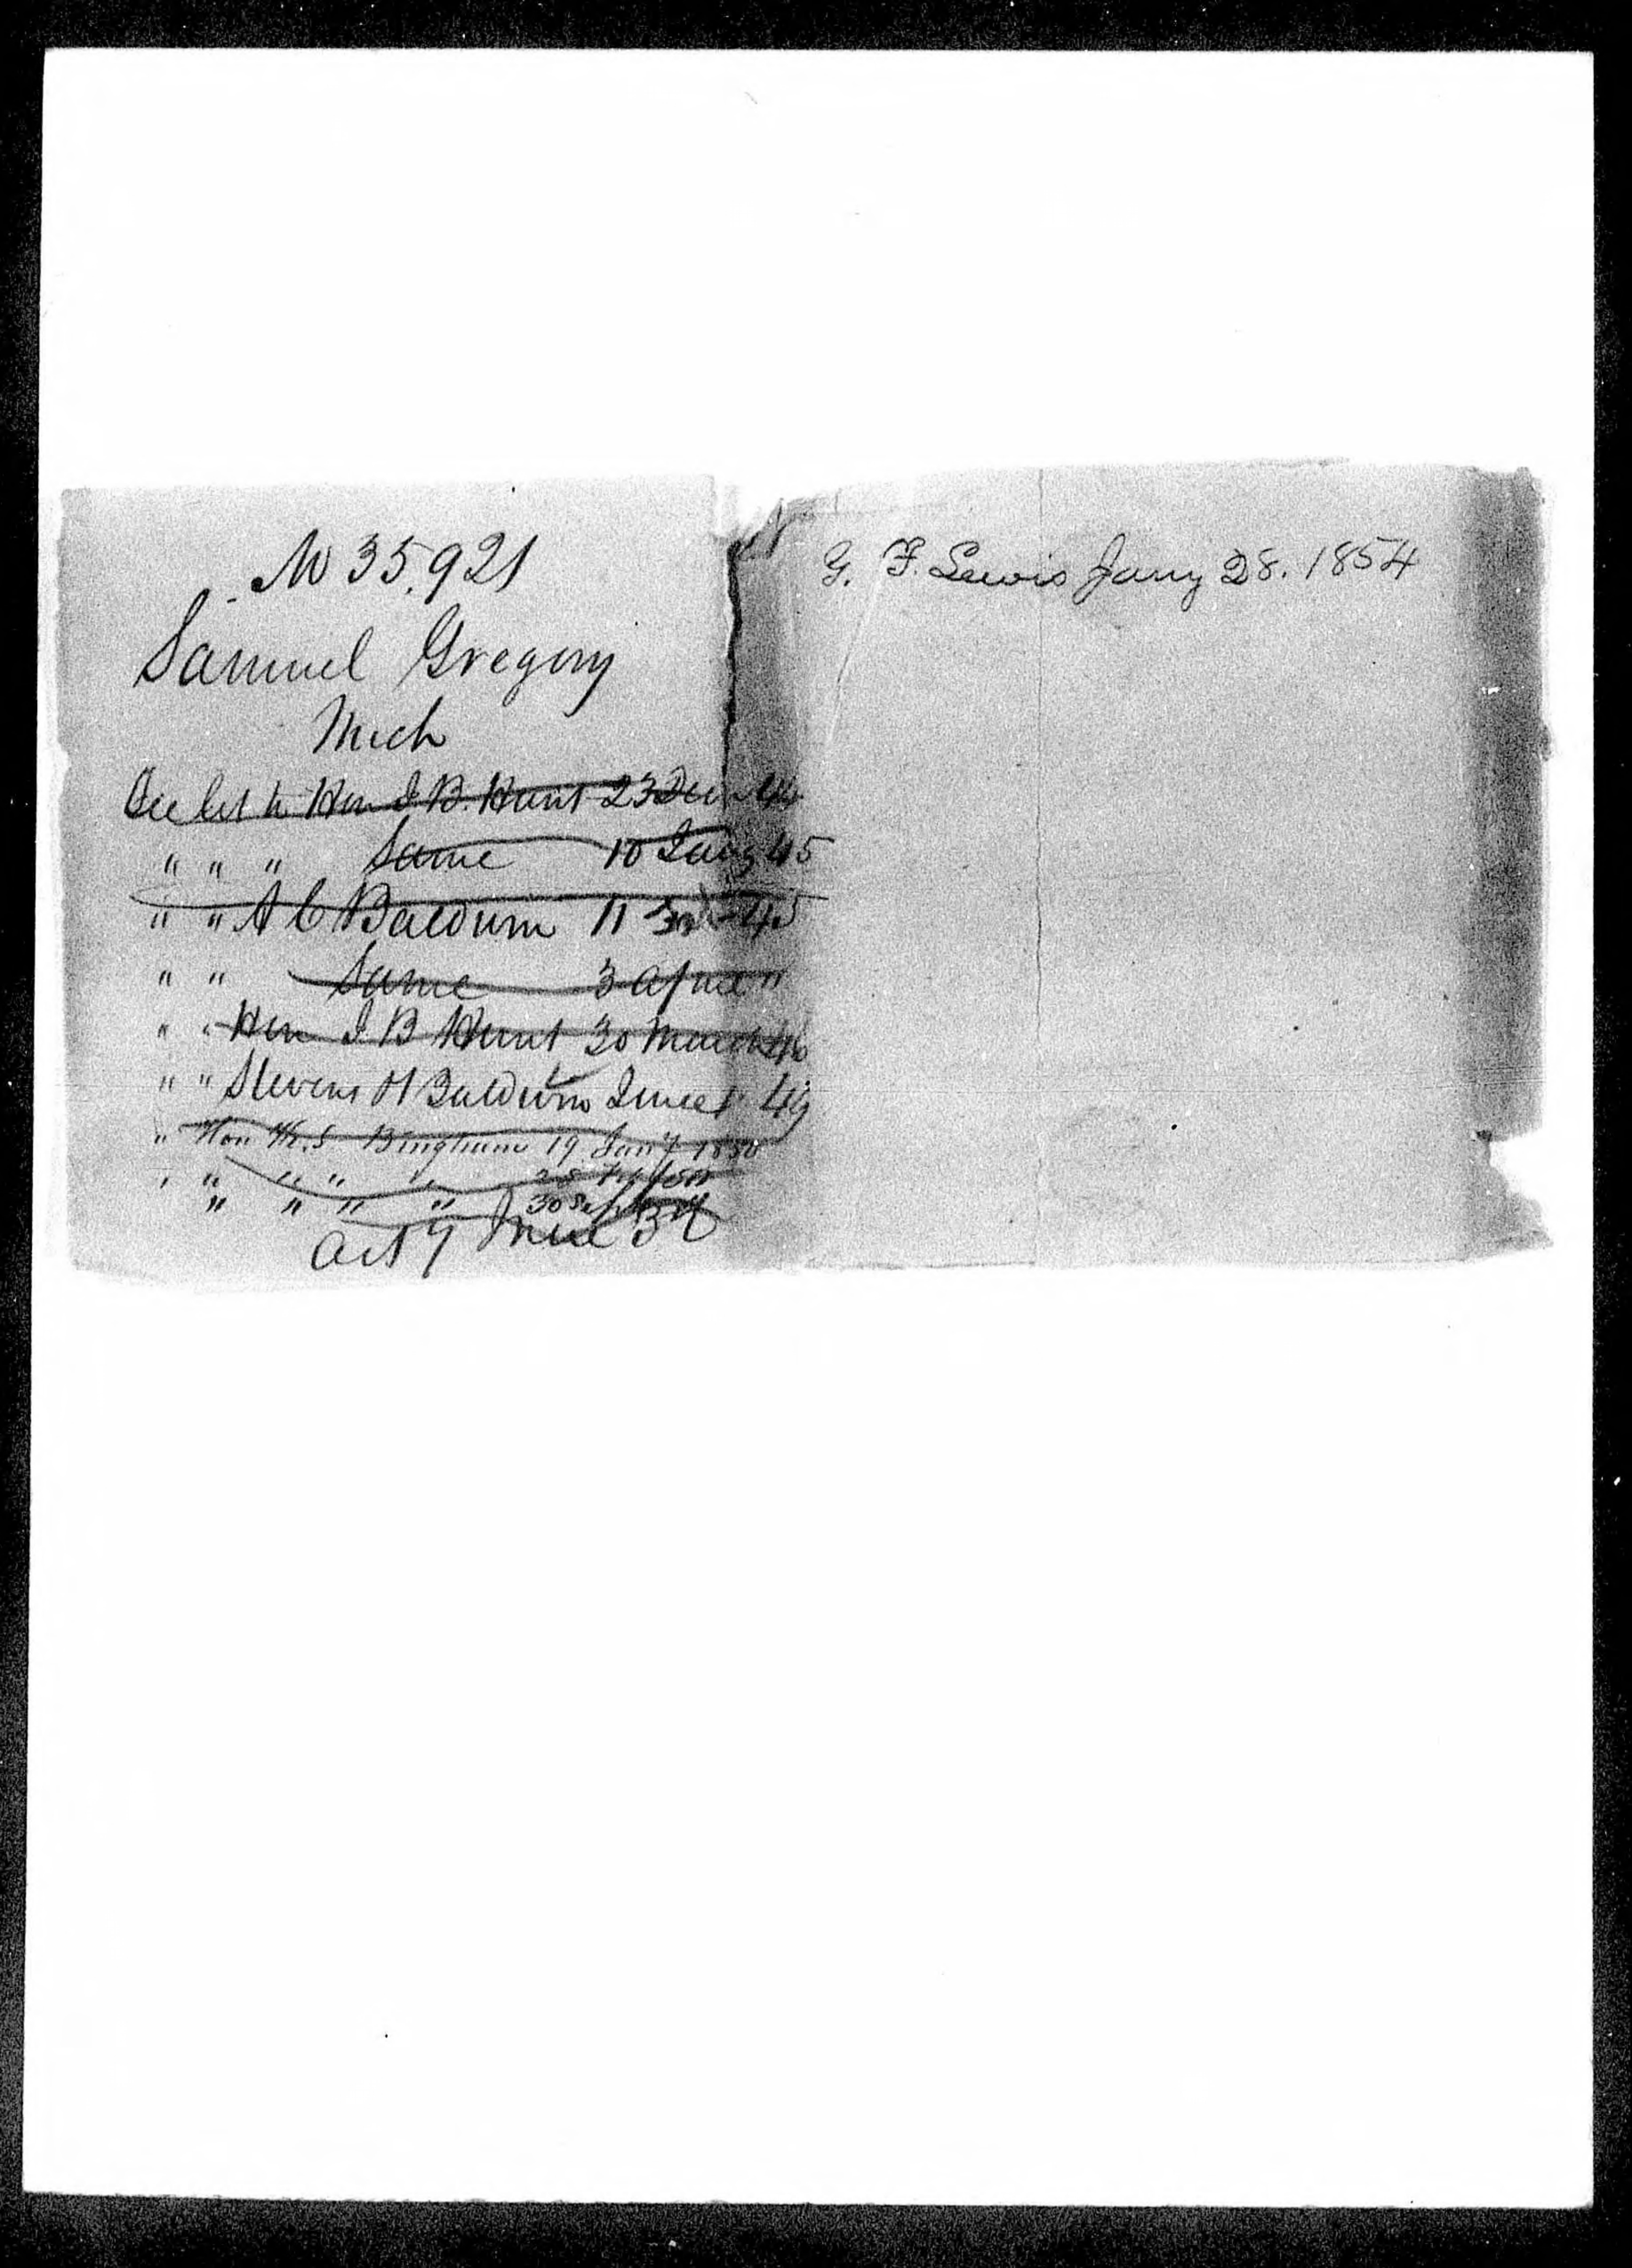N 35921
Samuel Gregory
Mich

G.F. Lewis Jany 28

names: G F Lewis, Stevens, J B Hunt, Bladwin, A C Baldwin, Samuel Gregory, W S Bingham, J B Hunt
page: 32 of 66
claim: rejected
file: R. 4298, Samuel Gregory, New York